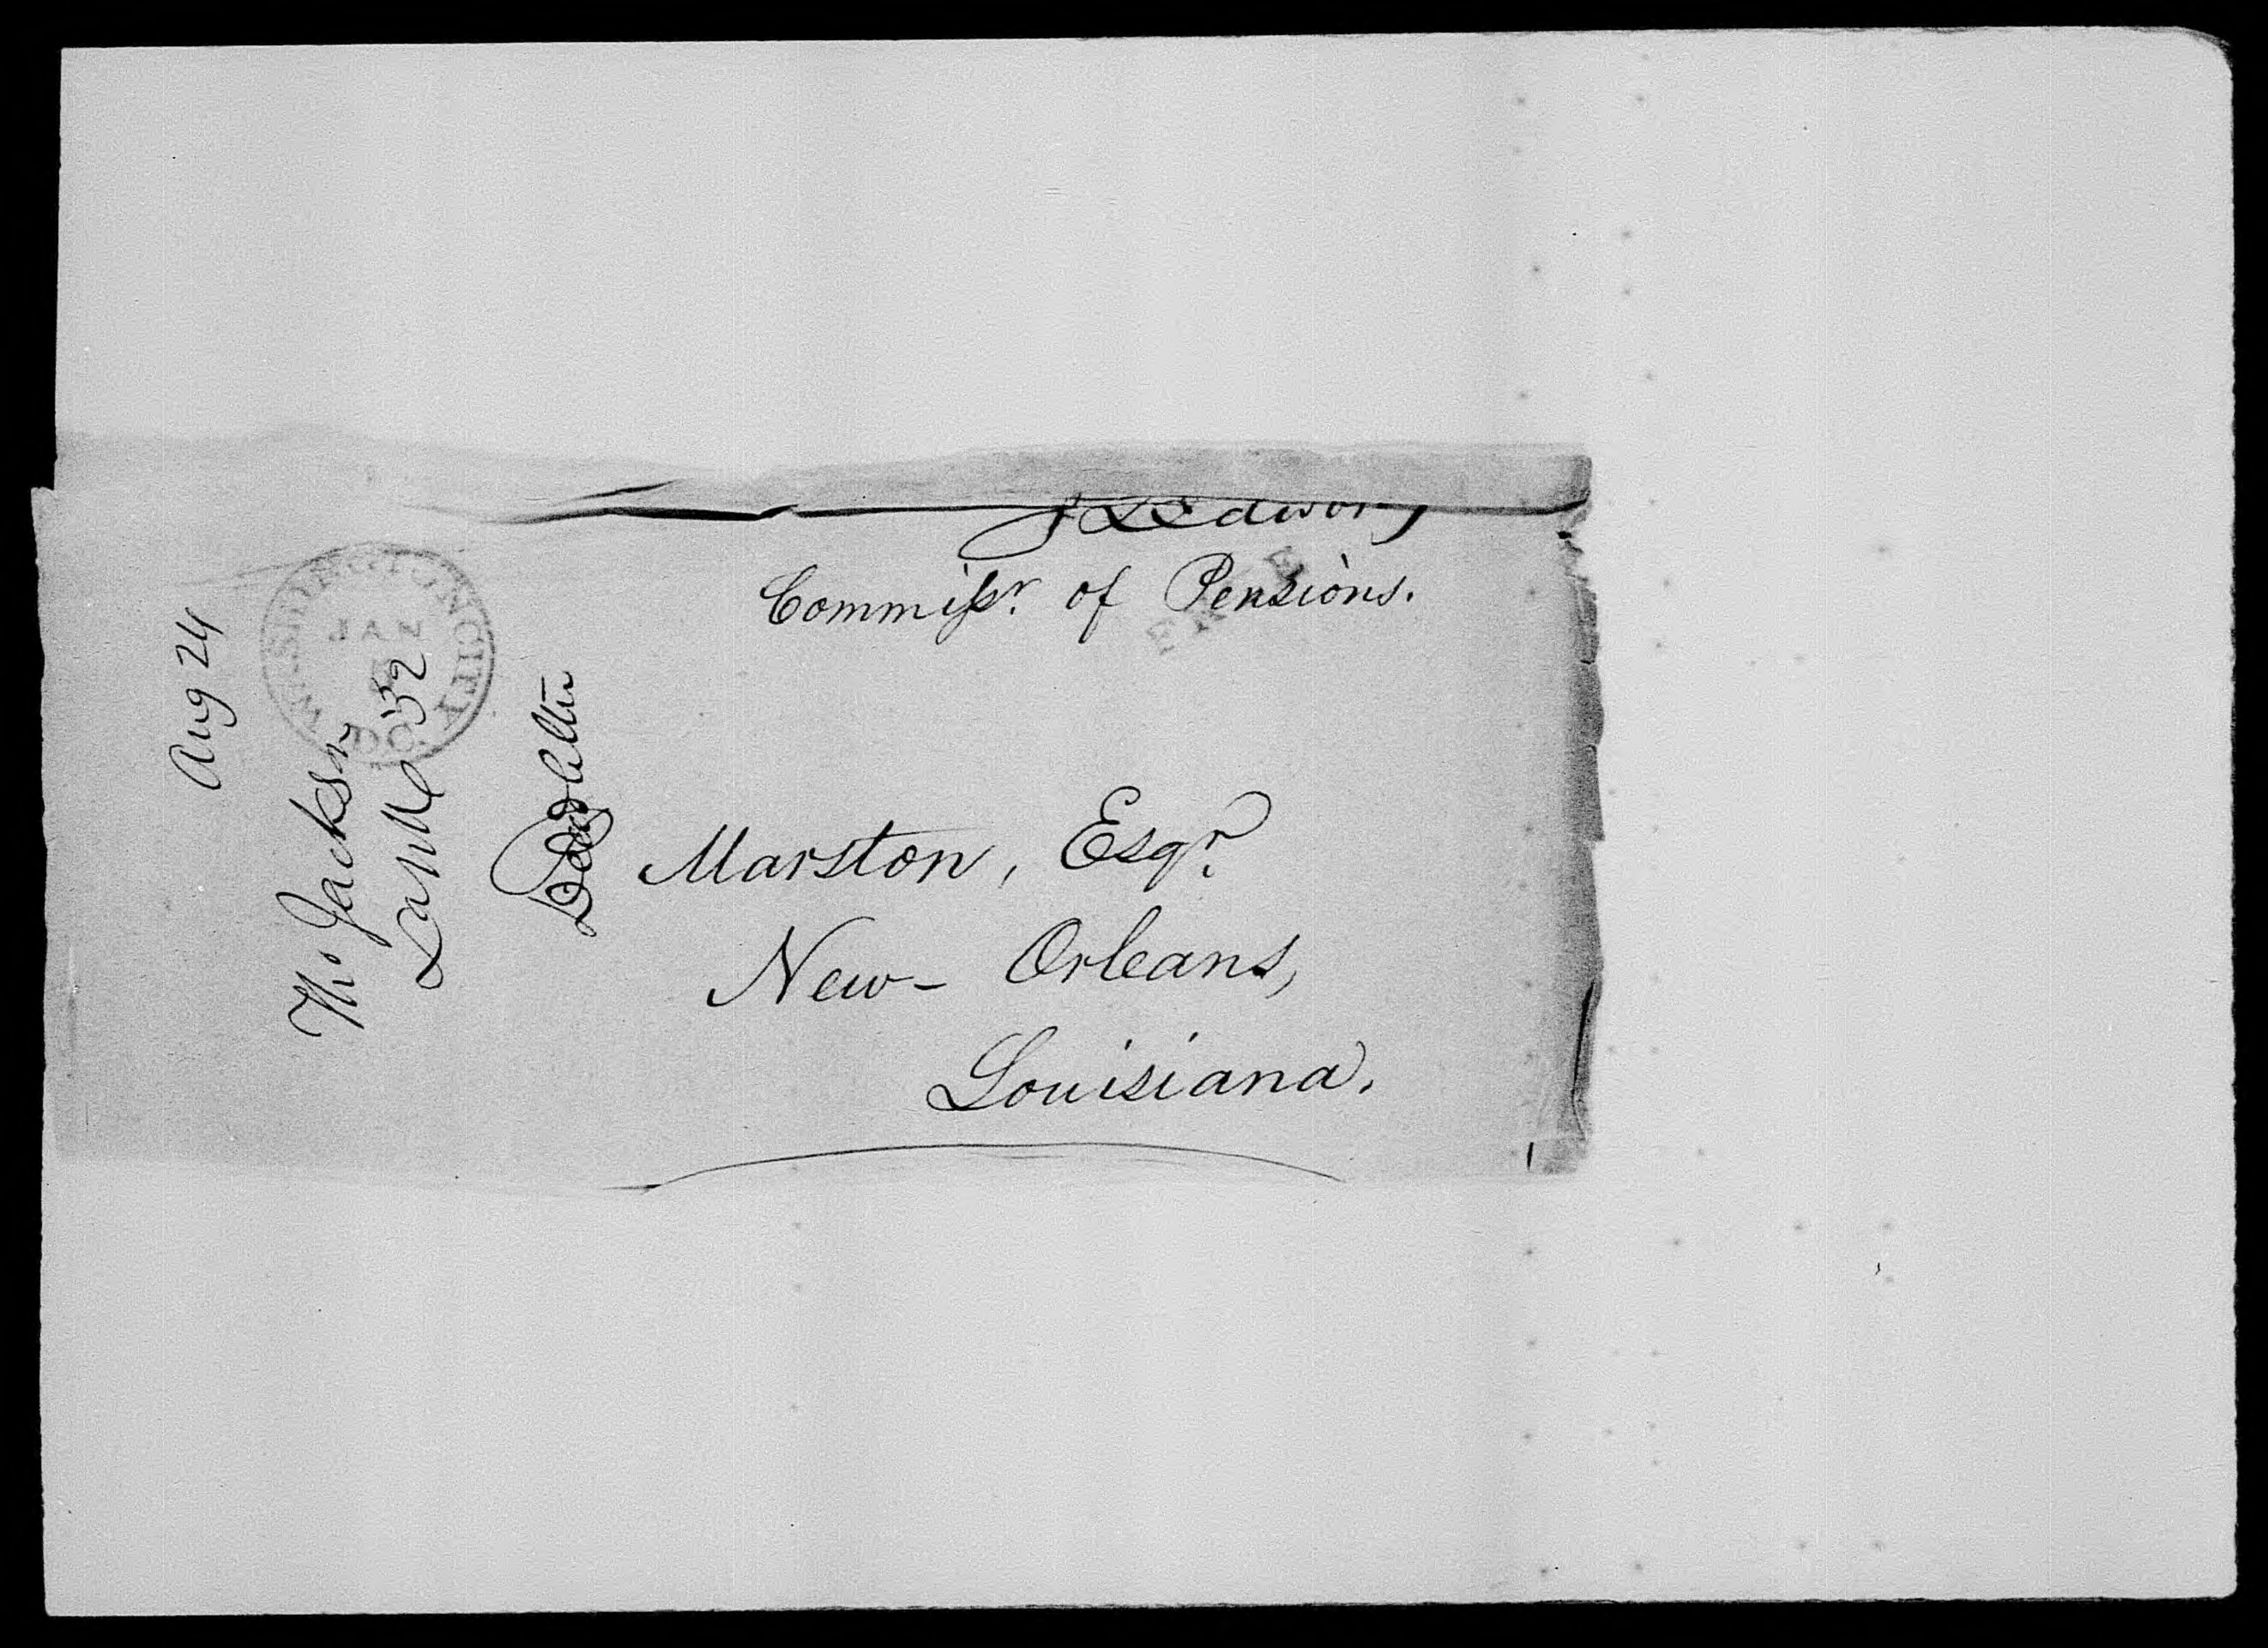Aug 24
Tho Jackson
same '32
Declaration

[stamp] WASHINGTON CITY D.C. JAN 5

J. L. Edwards
Commissr. of Pensions.
B. Marston, Esqr.
New Orleans, Louisiana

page: 21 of 54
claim: survivor's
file: S. 31166, for Thomas Jackson, South Carolina